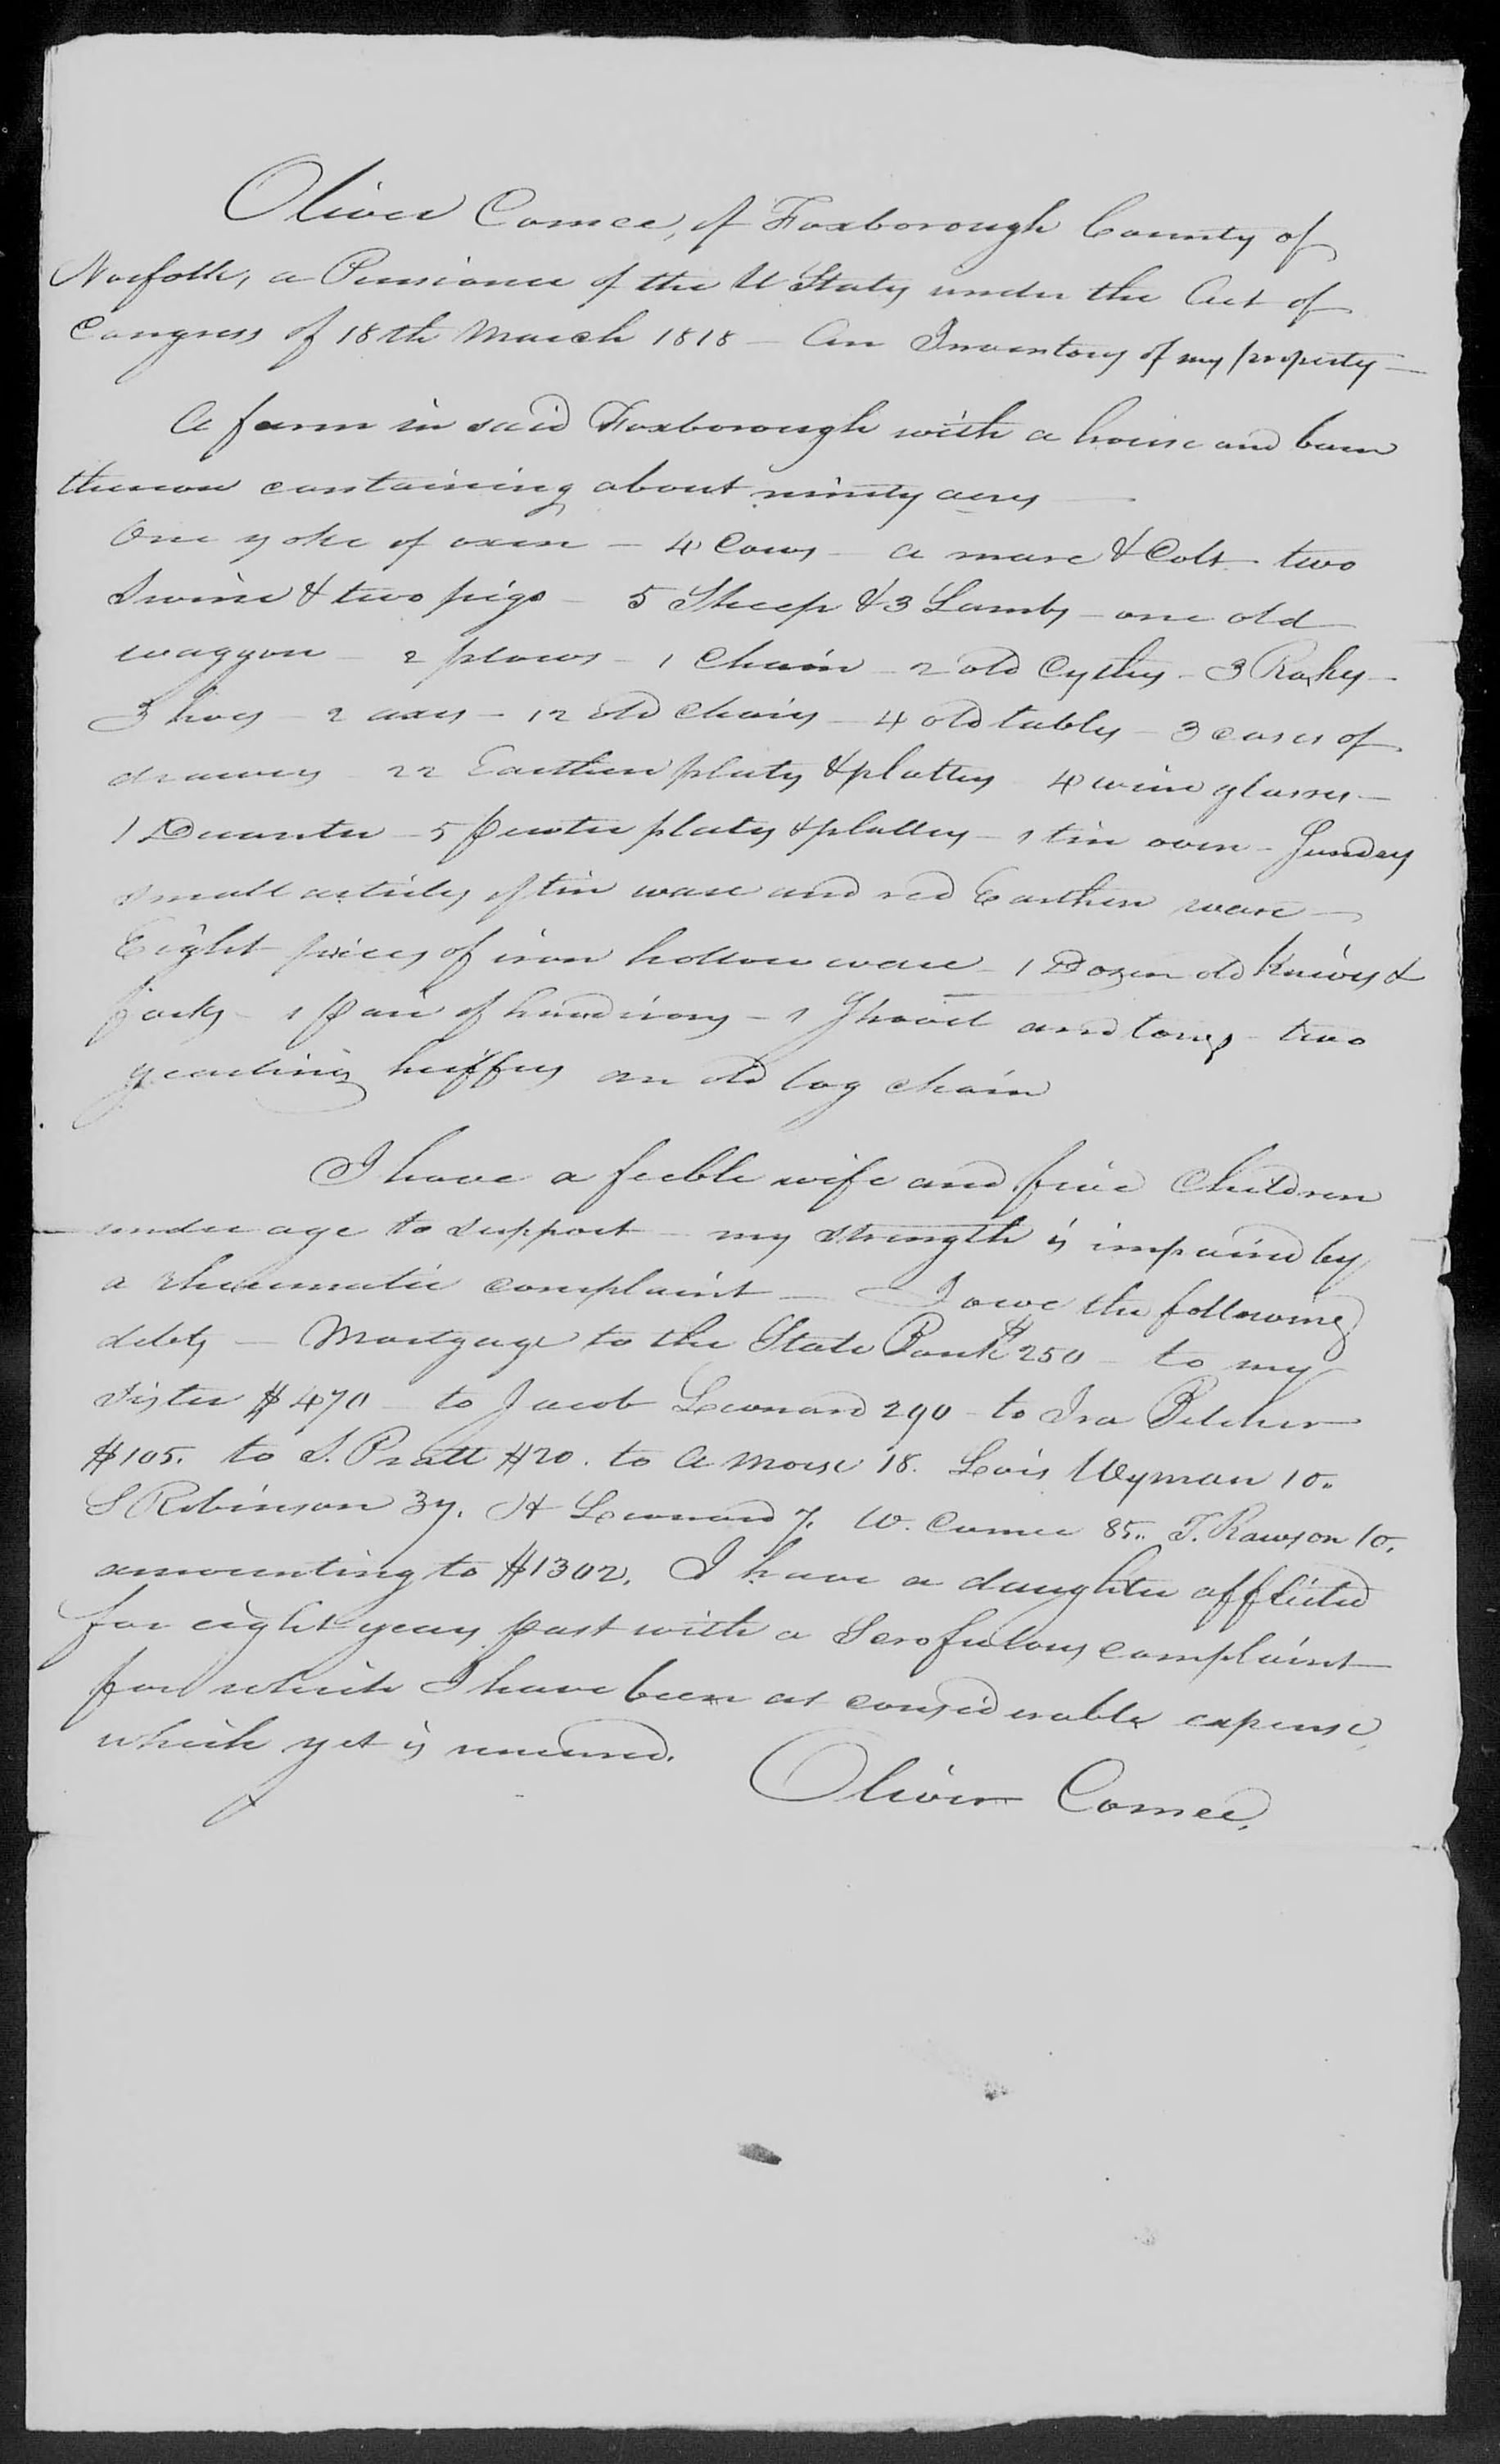Oliver Comee, Foxborough County of Norfolk, a Pensioner of the U States under the Act of Congress of 18th March 1818 - An Inventory of my property- 
A farm in said Foxborough with a house and barn thereon containing about ninety acres one yoke of oxen - 4 Cows- a mare & Colt two Swine & two pigs 5 Sheep & 3 Lamby- one old waggon 2 Plows - 1 chain 2 old cyths 3 Rakes 3 Thoy 2 cases - 12 old chairs 4 old tables-- 3 cases of drawers 22 Earthen plates & platters 4 wine glasses 1 Decanter  5 pewter plate & platters - 1 tin oven  [illegible] small  article  of tin ware and red Earthen ware Eight pieces  of iron hollow ware, 1 dozen old knives & forks, 1 pair of [illegible] 1  shovel and tongs two yearling heiffers an old log chair.
I have a feeble wife and five children under age to support - my strength is impaired by a Rheumatic Complaint. I owe the following debts- Mortgage to the State Bank $250 to my Sister $470- to Jacob Leonard 290 to Ira Belcher $105. to S. Pratt $20. to A Morse 18. Lois Wyman 10. S Robinson 37. H Lownard 7. W. Comee 85, T. Rawson to amounting to $1302. I have a daughter afflicted for eight years past with a Scrofulous complaint for which I have been at considerable expense which yet is secured. 
Oliver Comee.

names: Jacob Leonard, A Morse, T Rawson, S Pratt, Lois Wyman, Oliver Comee, S Robinson, Oliver Comee, H Leonard, W Comee, Ira Belcher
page: 10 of 45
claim: widow's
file: W. 14,567, Oliver Comee, Mass.